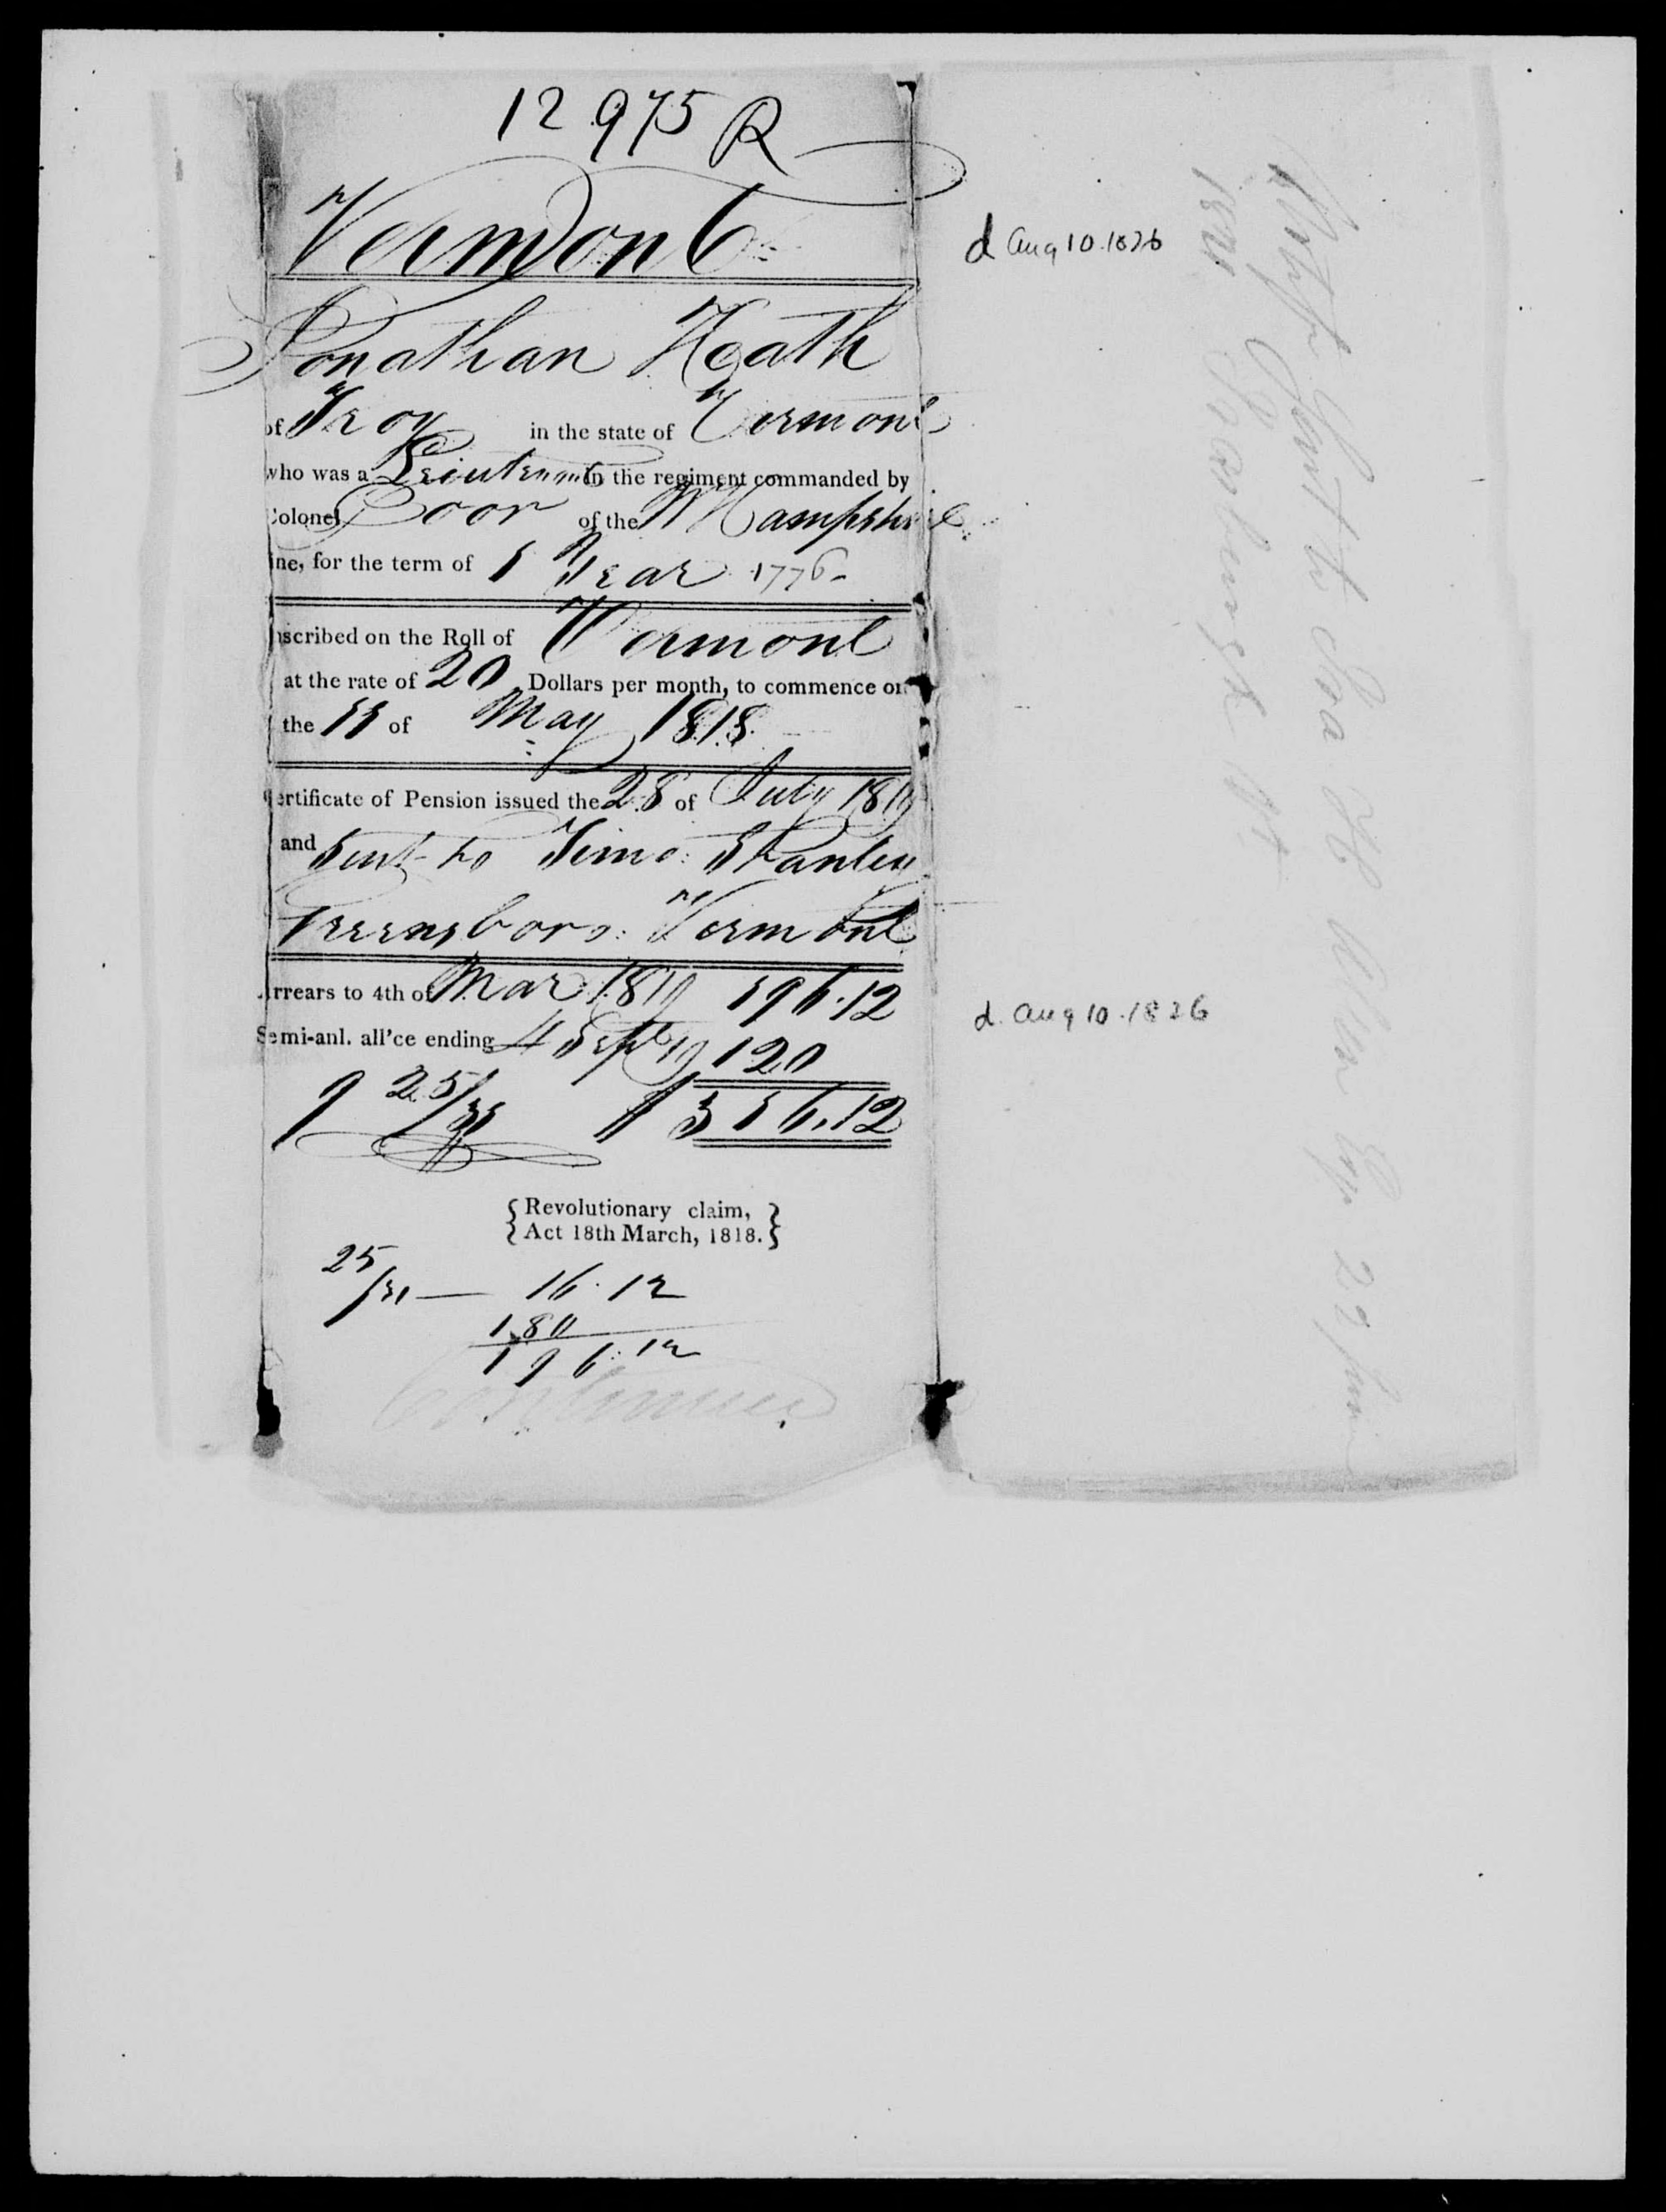12975 R
VERMONT
Jonathan Heath of Troy in the State of Vermont
who was a Lieutenant in the regiment commanded by Colonel Poor of New Hampshire
line for the term of 1 year 1776-
===================================
Subscribed on the Roll of Vermont at the rate of 20 Dollars per month, to commence on
the 11 of May 1818
===================================
Certificate of Pension issued the 28 of July 1819
and sent to Time  of Stanley Greensburg. Vermont.
===================================
arrears to 4th of Mar 1819.                 197.19
Semi-anl, all'ce ending 4 Sept. 19.     120.00
1 25/35                                                    336.12

{Revolutionary claim,}
{Act 18th March, 1818.}

25/31- 16.12
            180
         --------
           196.12
===================================
d Aug 10 1826
D. Aug 10 1826
Draft sent to Ira H Allen Esq  22 June 1826
Prasburgh, VT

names: Jonathan Heath, Timo Stanley, Ira H Allen, Poor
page: 2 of 22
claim: survivor's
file: S. 38821, Jonathan Heath, Continental N.H.